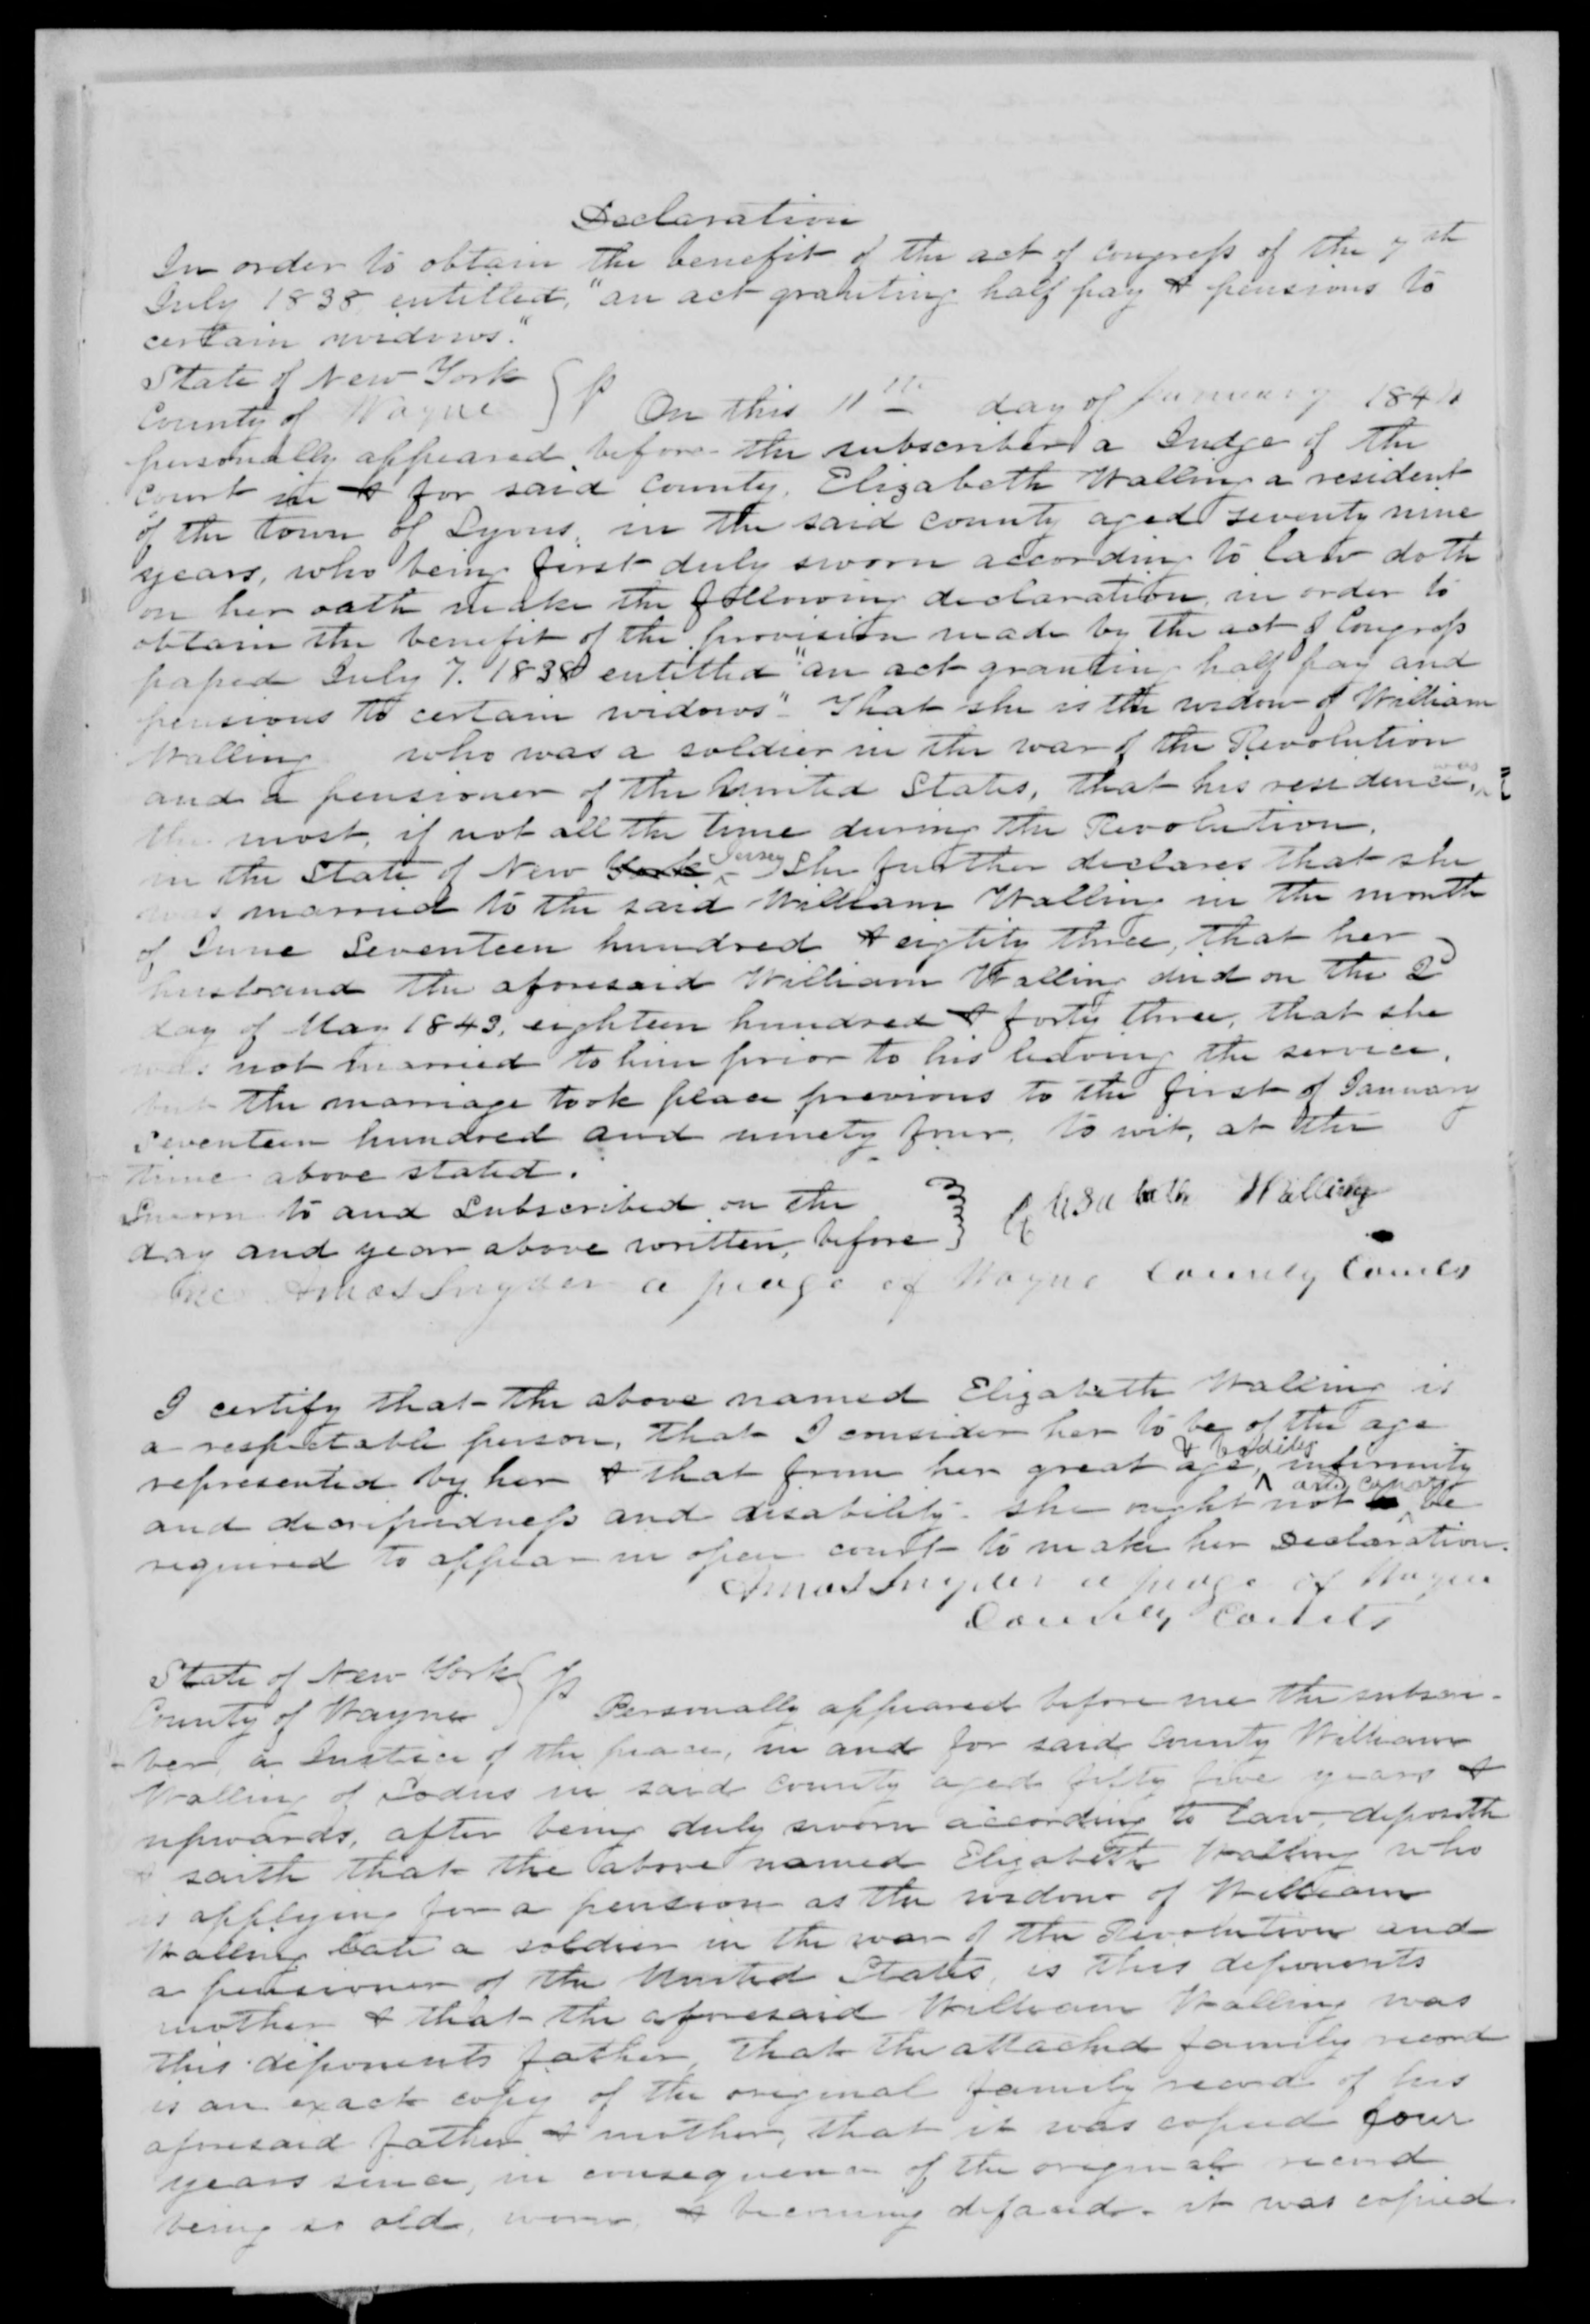Declaration
In order to obtain the benefit of the act of Congress of the 7th July 1838 entitled "an act granting half pay & pensions to certain widows."
State of New York County of Wayne On this 11th day of January 184X (illegible) personally appeared before the subscribed a Judge of this court in & for said county.  Elizabeth Walling a resident of the town of Lyons in this said county aged seventy nine years, who being just duly sworn according to law doth on her oath make the following declaration in order to obtain the benefit of the provision made by the act of Congress (illegible) July 8. 1838 entitled "an act granting half pay and pensions to certain widows." That she is the widow of William Walling who was a soldier in this war of the Revolution and a pensioner of the United States, that his residence was in this most if not all the time during the Revolution in the State of New (crossed out: York) Jersey.  She further declares that she was married to the said William Walling in the month of June seventeen hundred & eighty three, that her husband the aforesaid William Walling died of the 2 day of May 1843, eighteen hundred & forty three, that she (illegible) not married to him prior to his leaving the service but the marriage took place previous to the first of January seventeen hundred and ninety four, to wit, at the time above stated. Sworn to and subscribed on this day and year above written before (signature) Elisabeth Walling
One Amos Snyder a Judge of Wayne County Court

I certify that the above named Elizabeth Walling is a respectable person, that I consider her to be of the age represented by her and that from her great age & bodily infirmity and (illegible) and disability, she ought not in any capacity be required to appear in open court to make her declaration. Amos Snyder a Judge of the County Court

State of New York County of Wayne
Personally appeared before me the subscriber a Justice of the Peace in and for said County William Walling of (illegible) in said county aged fifty five years & upwards, after being duly sworn according to law deposeth and saith that the above named Elizabeth Walling who is applying for a pension as the widow of William Walling was a soldier in the war of the Revolution and a pensioner of the United States, is this deponent's mother & that the aforesaid William Walling was this deponent's father, that the attached family record is an exact copy of the original family record of his aforementioned father & mother that it was copied four years since in consequence of the original record being so old, worn & becoming defaced it was copied.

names: William Walling, Elisabeth Walling, Elizabeth Walling, Elizabeth Walling, William Walling, Amos Snyder, Elizabeth Walling, William Walling, William Walling, William Walling, Amos Snyder, William Walling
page: 7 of 66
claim: widow's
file: W. 19588, William Walling, New Jersey